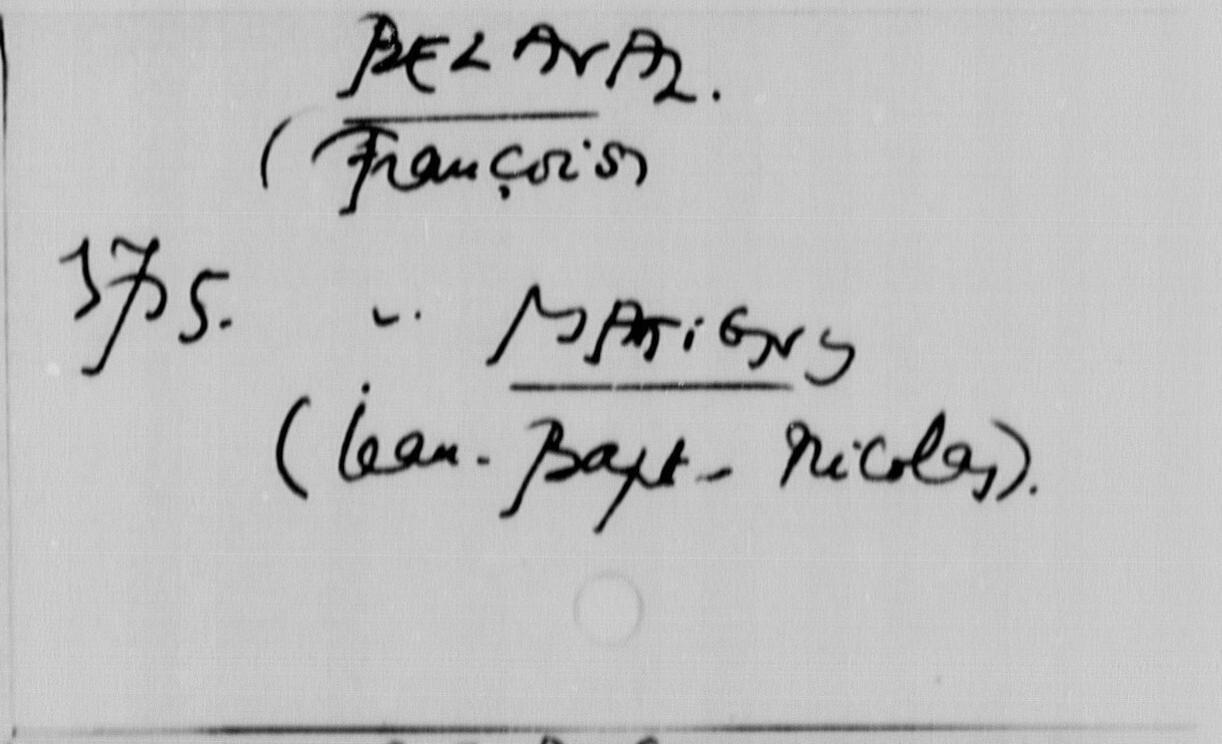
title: BELAVAL (François)
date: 1715
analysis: Voir MATIGNY (Jean-Baptiste Nicolas)
